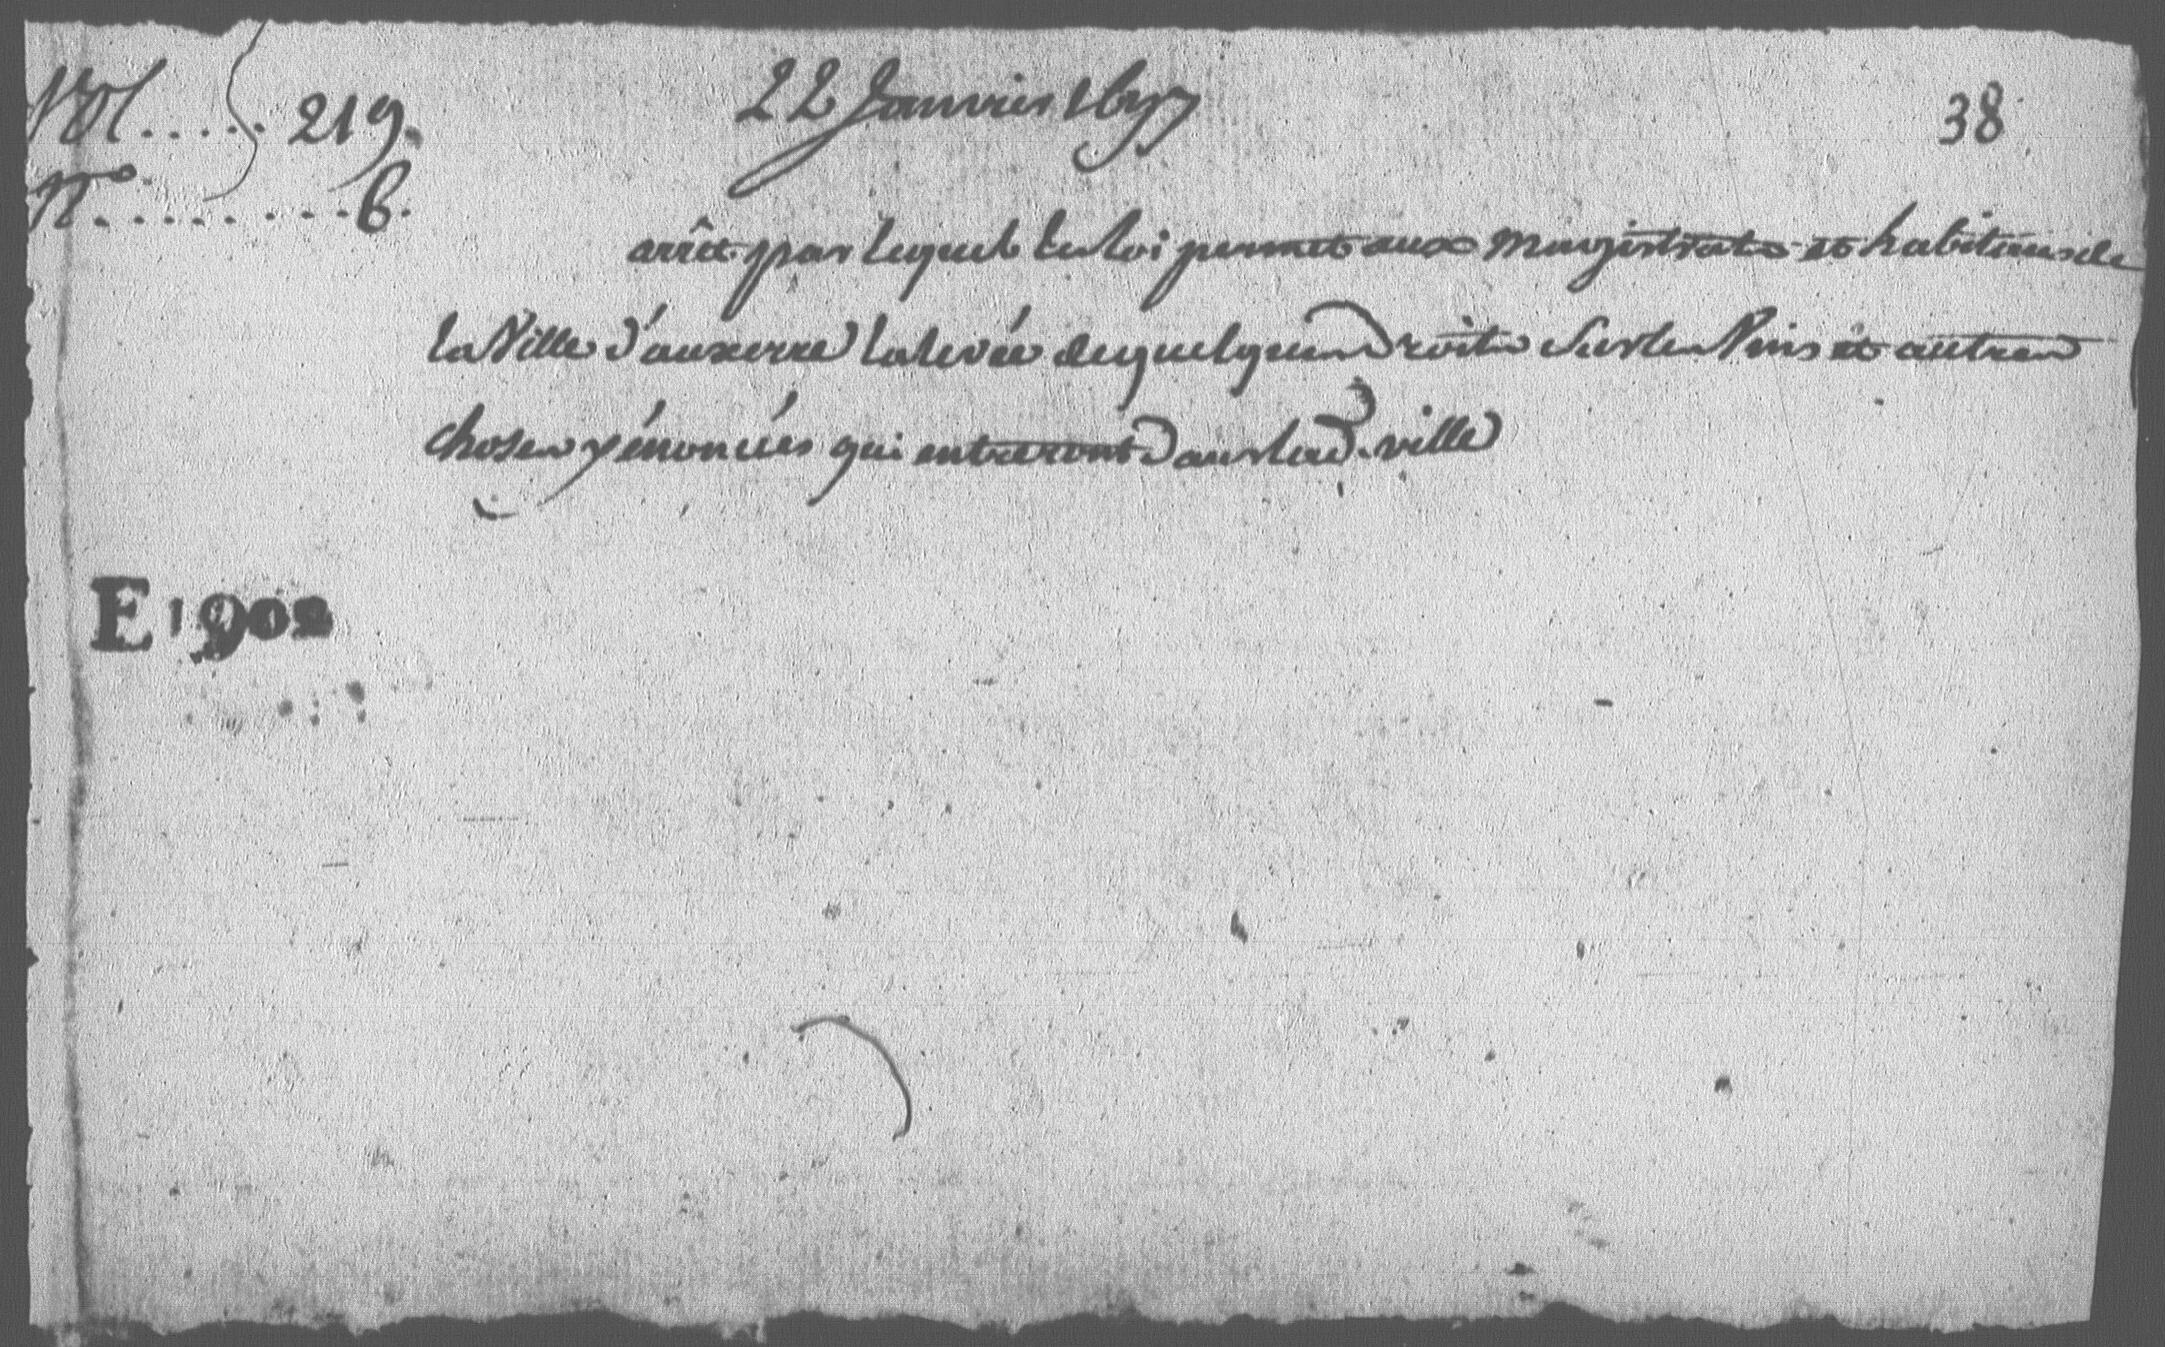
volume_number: n°6
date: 22 janvier 1697
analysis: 38
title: arrêt par lequel le roi permet aux magistrats et habitans de la Ville d'auxerre la levée de quelques droits sur les Vins et autres choses y énoncées qui entreront dans lad. ville
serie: E
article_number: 1902
